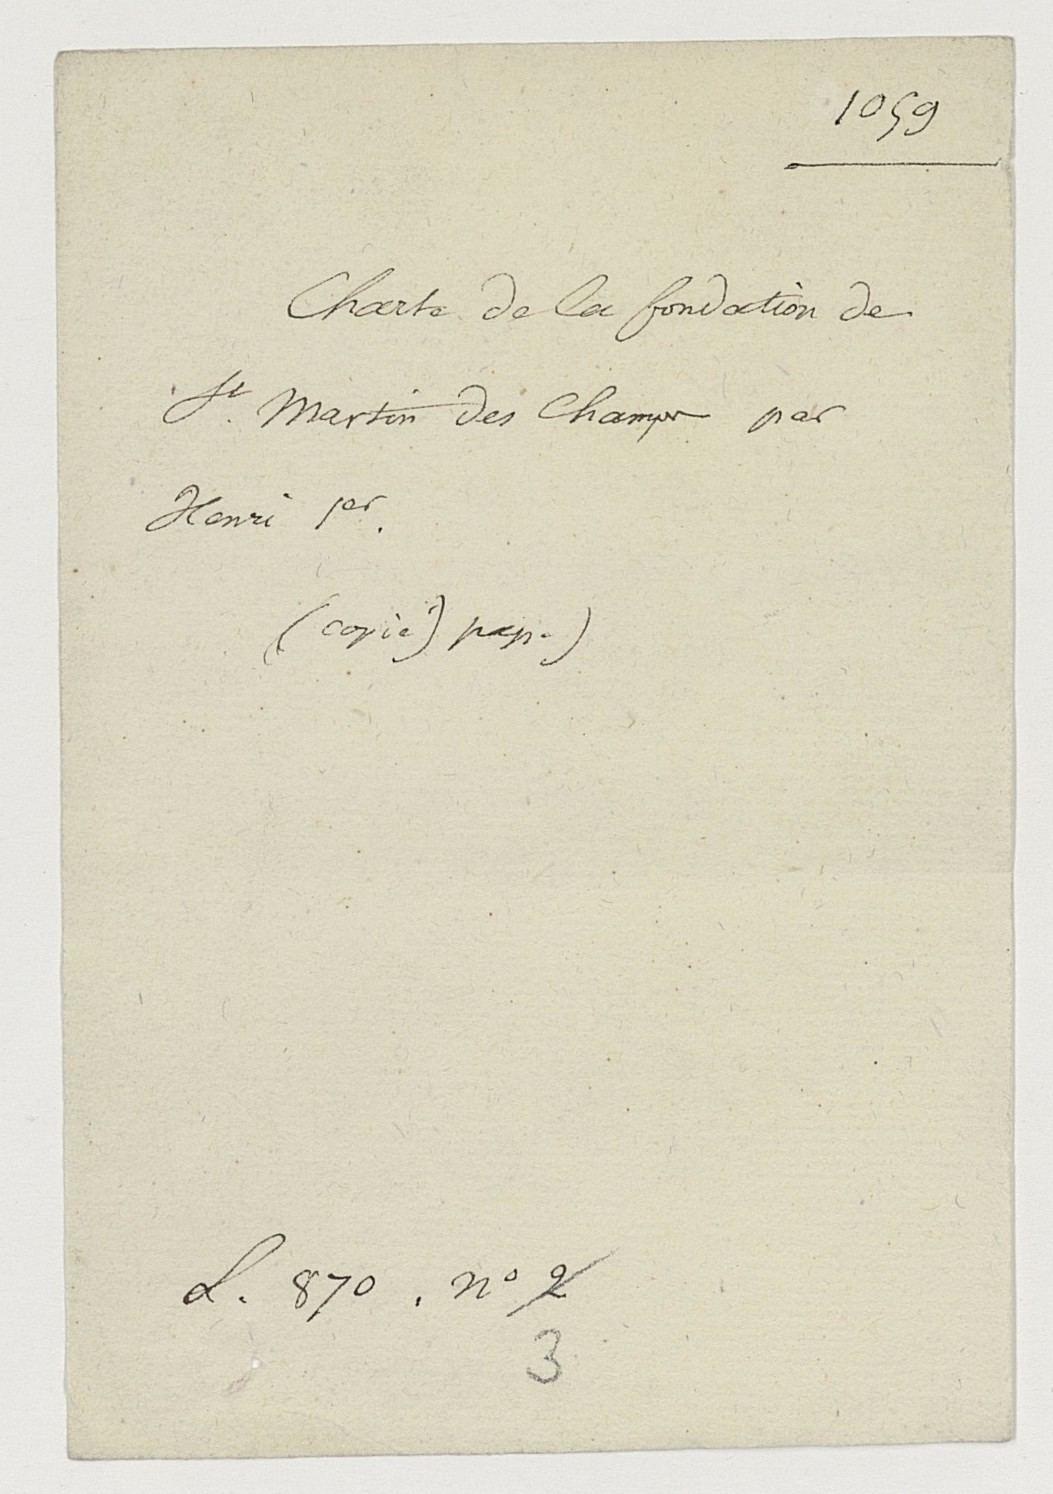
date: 1059
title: Charte de la fondation de Saint-Martin des Champs par Henri Ier
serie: L
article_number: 870
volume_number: n° 3
